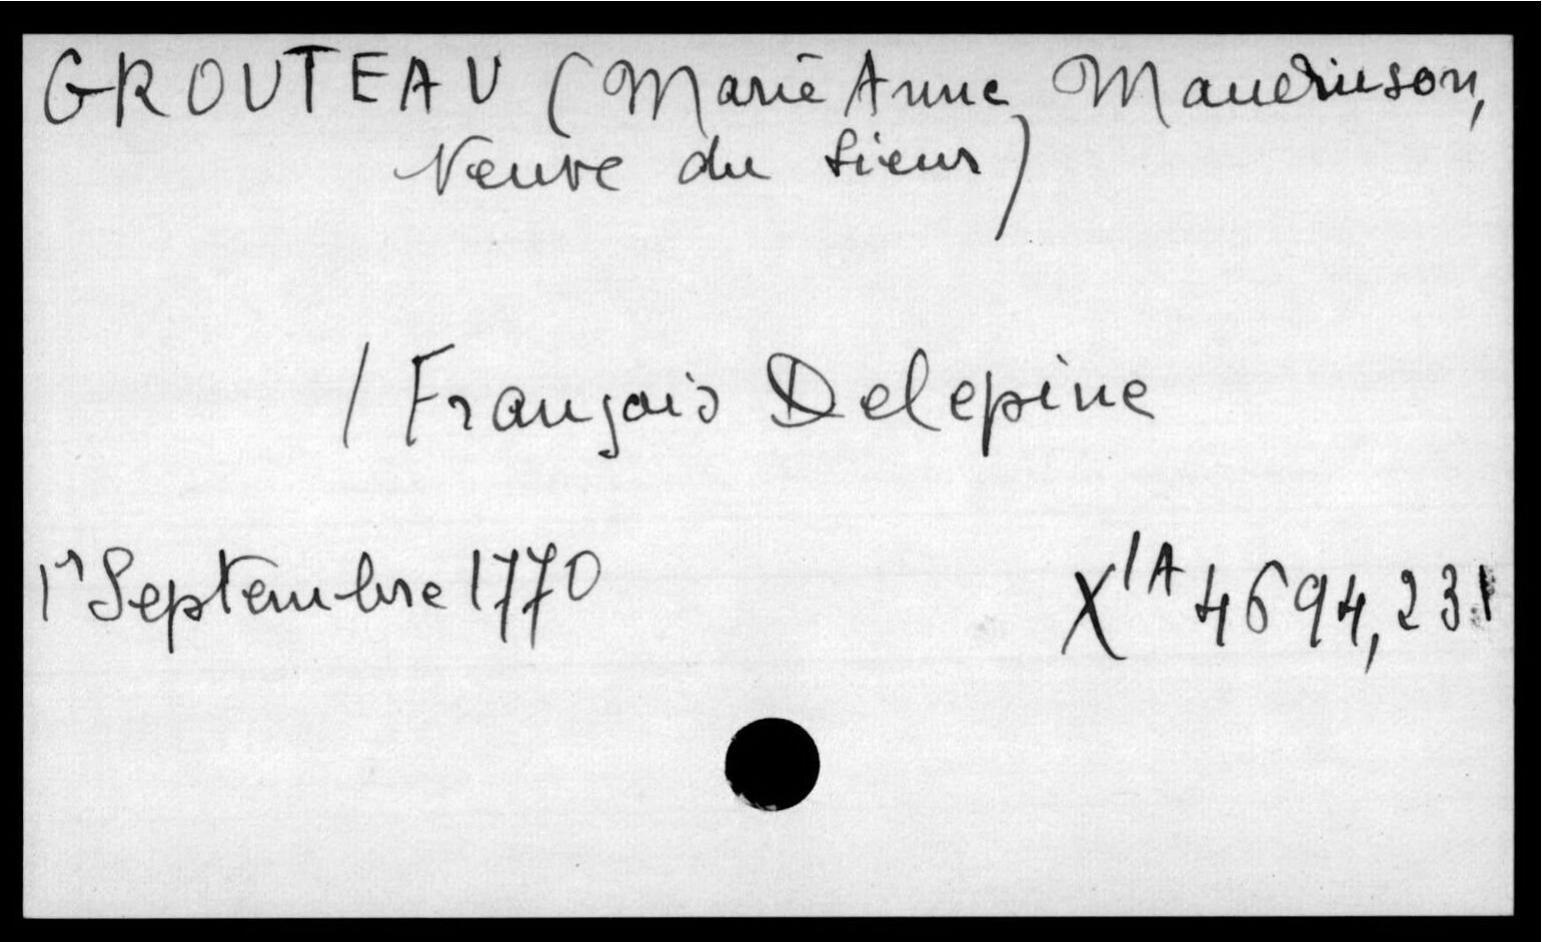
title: GROUTEAU (Marie Anne Maudinson, veuve du sieur)
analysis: Contre François Delepine
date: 1er septembre 1770
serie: X1A
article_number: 4694
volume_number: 231
